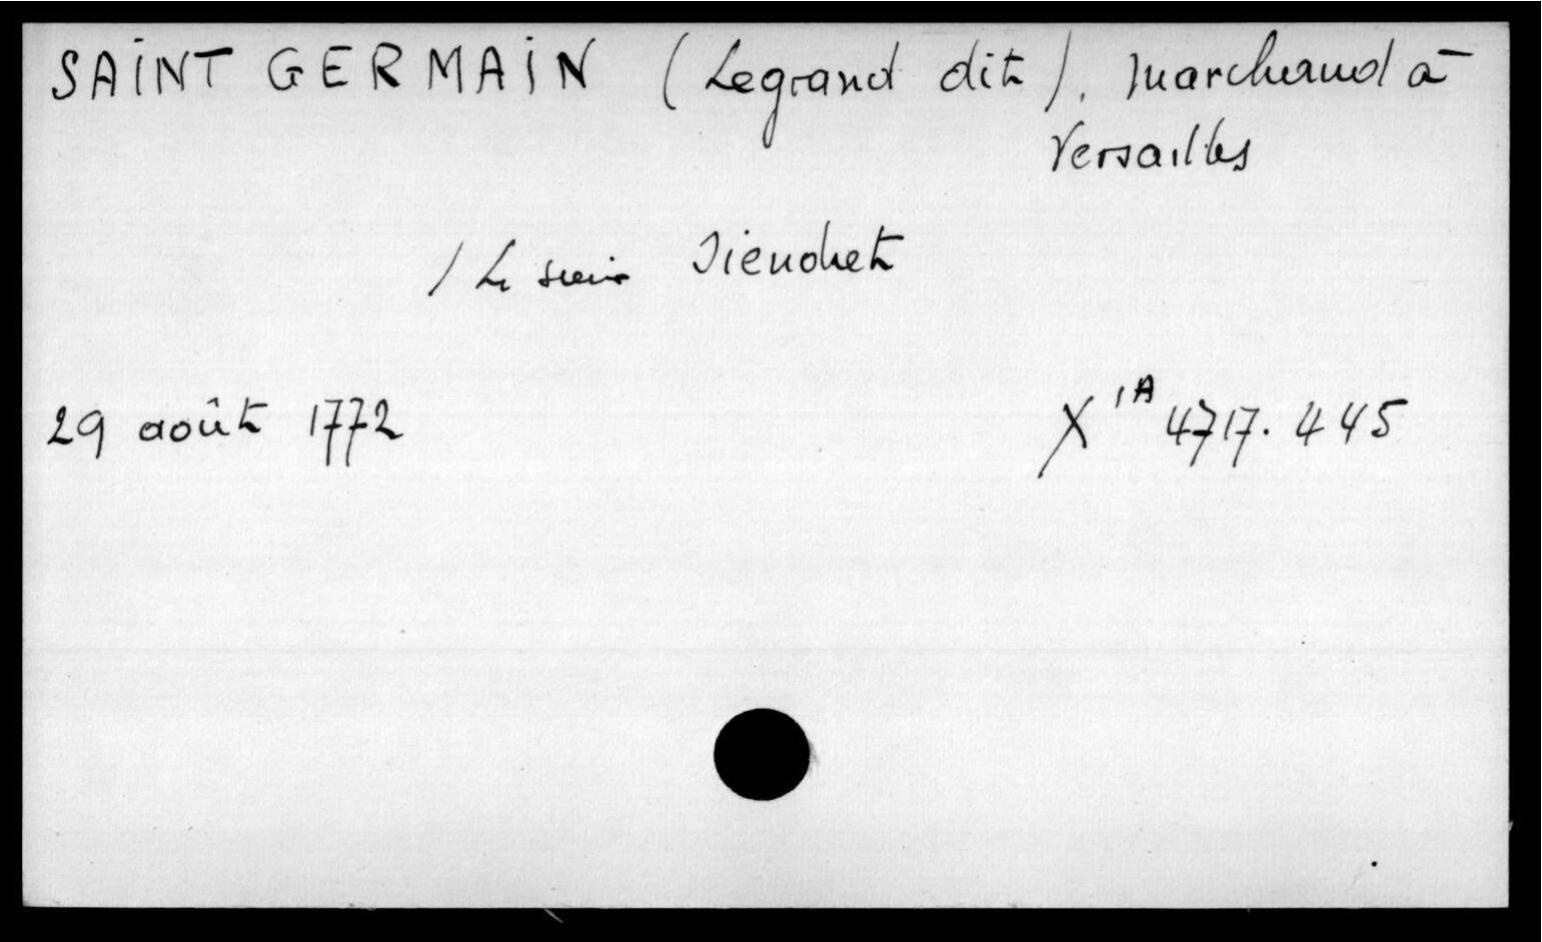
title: SAINT GERMAIN (Legrand dit), Marchand à Versailles
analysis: Contre 4 sieurs Dieudret
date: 29 août 1772
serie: X1A
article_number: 4717
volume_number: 445
